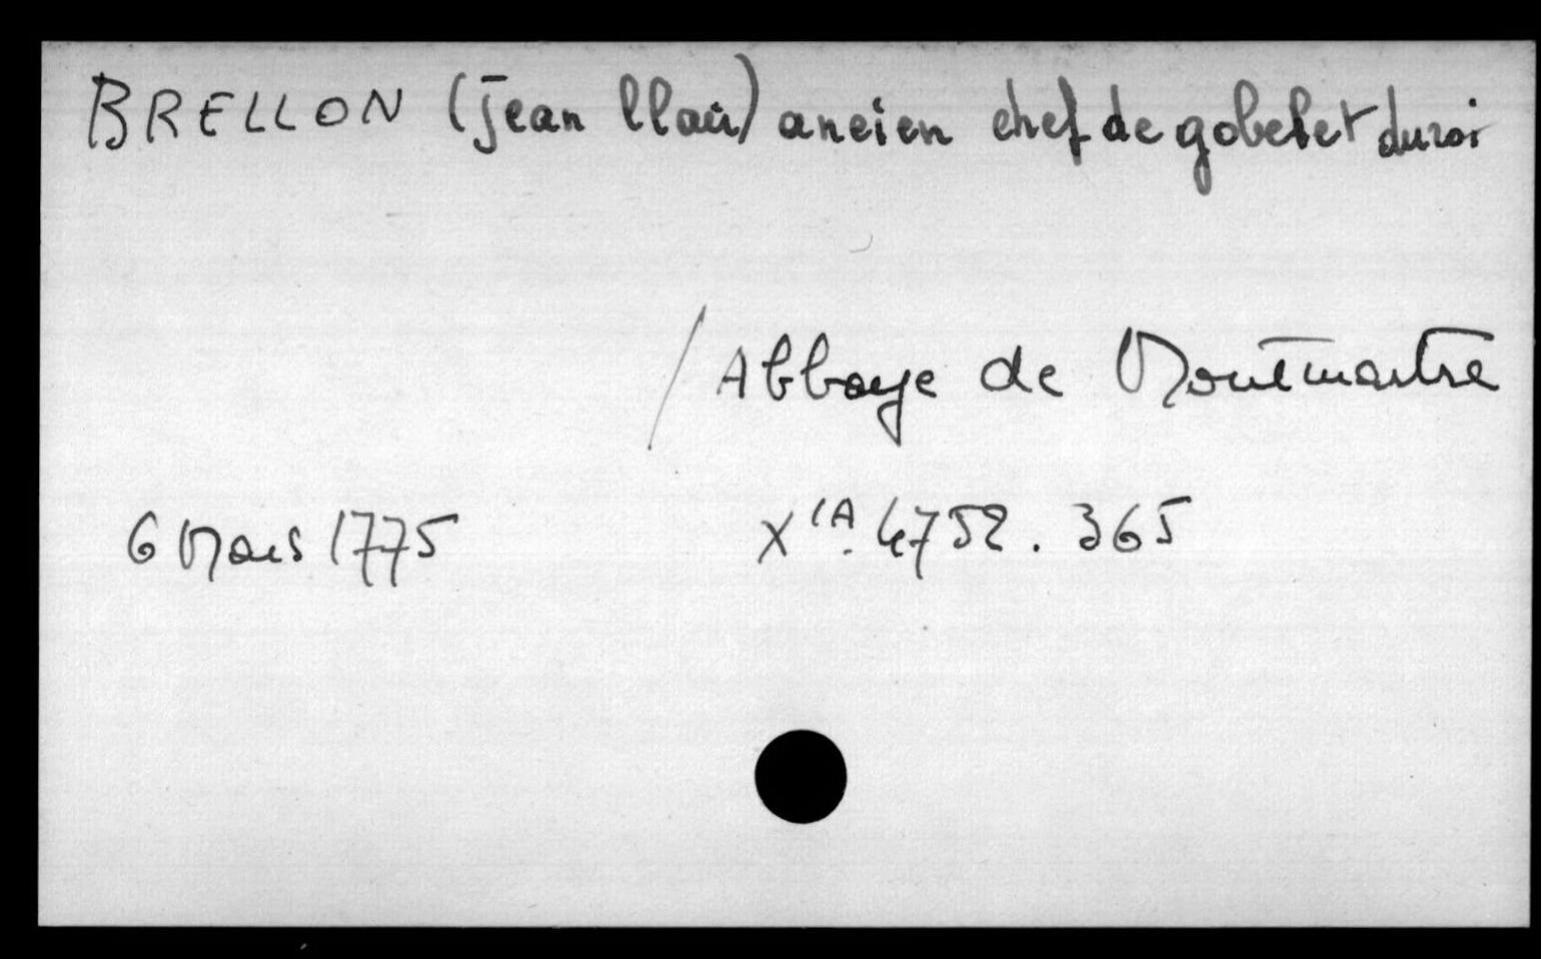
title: BRELLON (Jean Clair) ancien chef de gobelet du roi
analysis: Contre Abbaye de Montmartre
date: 6 mars 1775
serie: X1A
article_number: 4752
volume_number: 365
